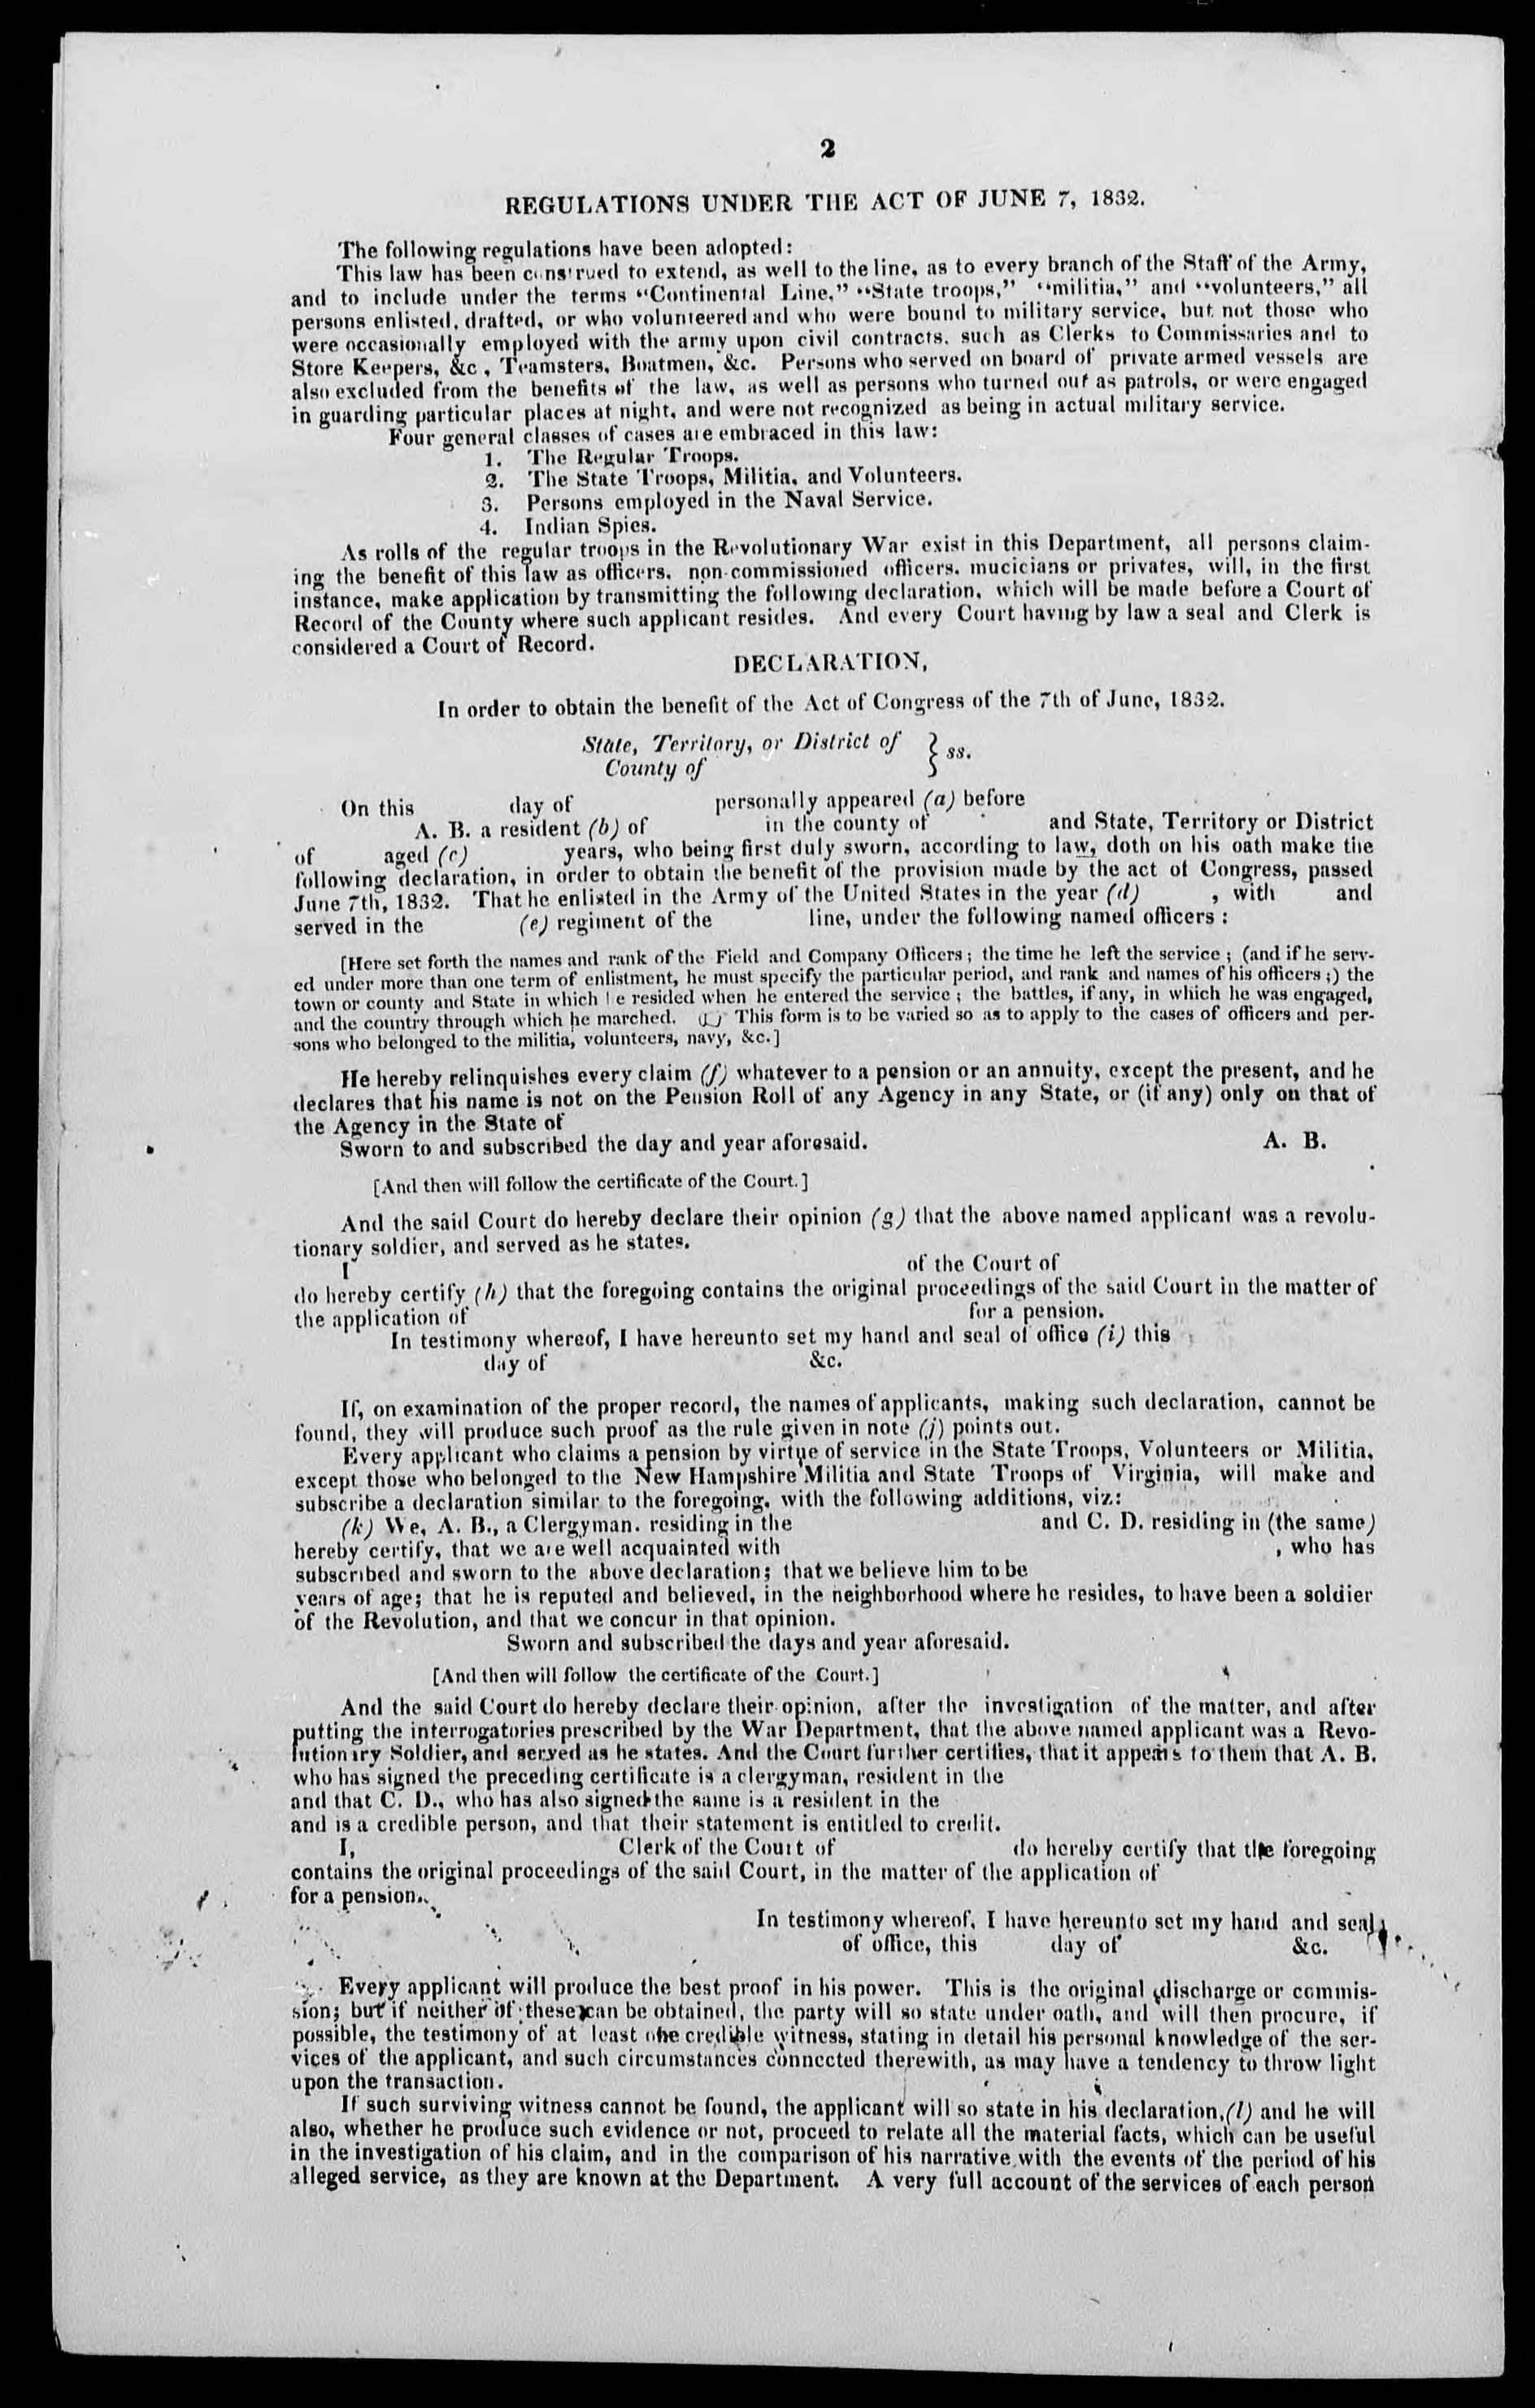2
REGULATIONS UNDER THE ACT OF JUNE 7, 1832.

The following regulations have been adopted:
This law has been construed to extend, as well to the line, as to every Branch of the Staff of the Army, and to include under the terms "Continental Line," State troops," and "volunteers," all persons enlisted, drafted, or who volunteered and who were bound to military service, but not those who were occasionally employed with the army upon civil contracts, such as Clerks to Commissaries and to Store Keepers, &c. Persons who served on board of private armed vessels are also excluded from the benefits of the law, as well as persons who turned out as patrols, or were engaged in guarding particular places at night, and were not recognized as being in actual military service.
Four general classes of cases are embraced in this law:
1. The Regular Troops.
2. The State Troops, Militia, and Volunteers.
3. Persons employed in the Naval Service.
4. Indian Spies.
As rolls of the regular Troops in the Revolutionary War exist in this Department, all persons claiming the benefit of this law as officers, non-commissioned officers, musicians or privates, will, in the first instance, make application by transmitting the following declaration, which will be made before a Court of Record of the County where such applicant resides.  And every Court having by law a seal and Clerk is considered a Court of Record.
DECLARATION,
In order to obtain the benefit of the Act of Congress of the 7th of June, 1832.
State, Territory, or District of   } ss.
County of
On this       day of      personally appeared (a) before A.B. a resident (b) of     in the County of     and State, Territory or District of     aged (c)     years, who being first duly sworn, according to the law, doth on his oath make the following declaration, in order to obtain the benefit of the provision made by the act of Congress, passed June 7th, 1832. That he enlisted in the Army of the United States in the year (d)     , with     and served in the     (e) regiment of the     line, under the following named officers:
[Here set forth the names and rank of the Field and Company Officers; the time he left the service; (and if he served under more than one term of enlistment, he must specify the particular period, and rank and names of his officers;) the town or county and State in which he resided when entered the service; the battles, if any, in which he was engaged, and the country through which he marched. [This form is to be varied so as to apply to the cases of officers and persons who belonged to the militia, volunteers, navy, &c.]

He hereby relinquishes every claim (f) whatever to a pension or an annuity, except the present, and he declares that his name is not on the Pension Roll of any Agency in any State, or (if any) only on that of the Agency in the State of   

Sworn to and subscribed the day and year aforesaid.                                             A.B.
[And then will follow the certificate of the Court.]

And the said Court do hereby declare their opinion (g) that the above named applicant was a revolutionary soldier, and served as he states.

I                       of the Court of
do hereby certify (h) that the foregoing contains the original proceedings of the said Court in the matter of the application of 
for a pension.
In testimony whereof,m I have hereunto set my hand and seal of office (I) this day      &c.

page: 4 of 23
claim: rejected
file: R. 1465, Peter Buckholts, S.C.